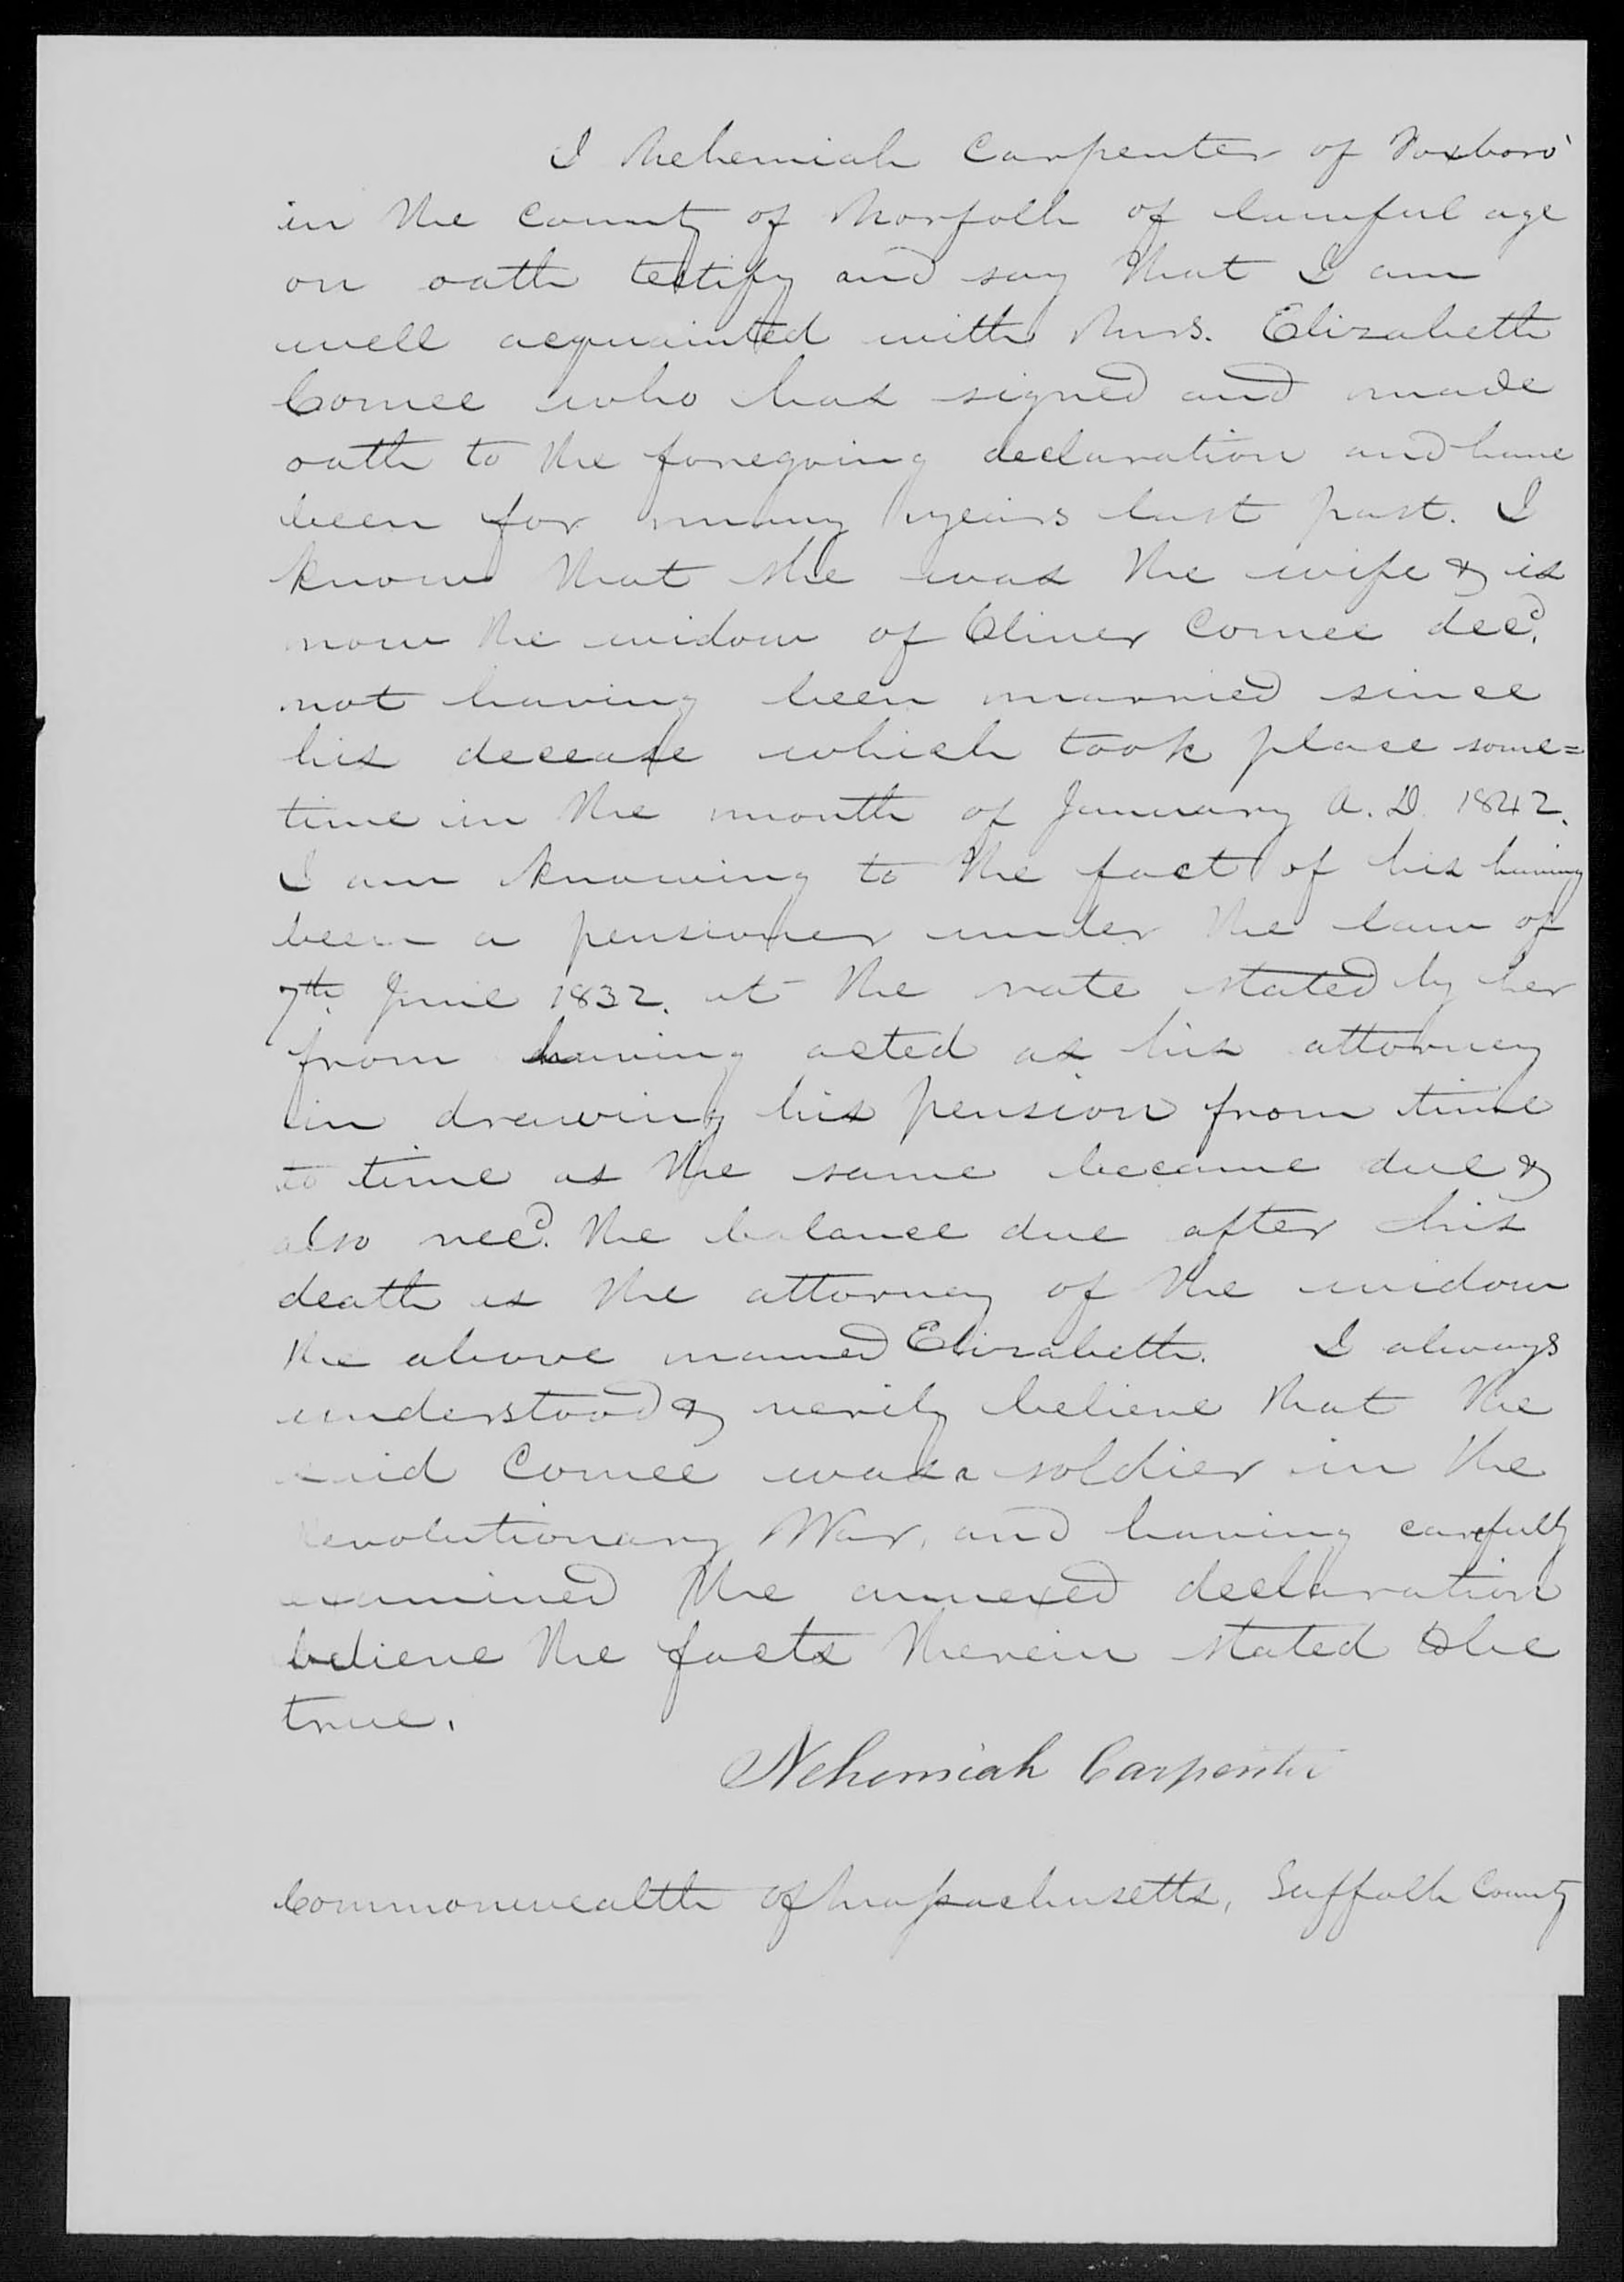I Nehemiah Carpenter of Foxboro’ in the County of Norfolk of lawful age on oath testify and say that I am well acquainted with Mrs. Elizabeth Comee who has signed and made oath to the foregoing declaration and have been for many years last past. I know that she was the wife & is now the widow of Oliver Comee dec’d not having been married since his decease which took place some time in the month of January A.D. 1842 I am knowing to the fact of his having been a pensioner under the law of 7th June 1832 at the rate stated by her from having acted as his attorney in drawing his pension from time to time as the same became due & also rec’d the balance due after his death as the attorney of the widow the above named Elizabeth. I always understood & verily believe that the said Comee was a soldier in the Revolutionary War, and having carefully amined the annexed declaration believe the facts therein stated to be true.
Nehemiah Carpenter 
Commonwealth of Mapachusetts, Suffolk County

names: Elizabeth, Comee, Nehemiah Carpenter, Elizabeth Comee, Nehemiah Carpenter, Oliver Comee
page: 44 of 45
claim: widow's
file: W. 14,567, Oliver Comee, Mass.